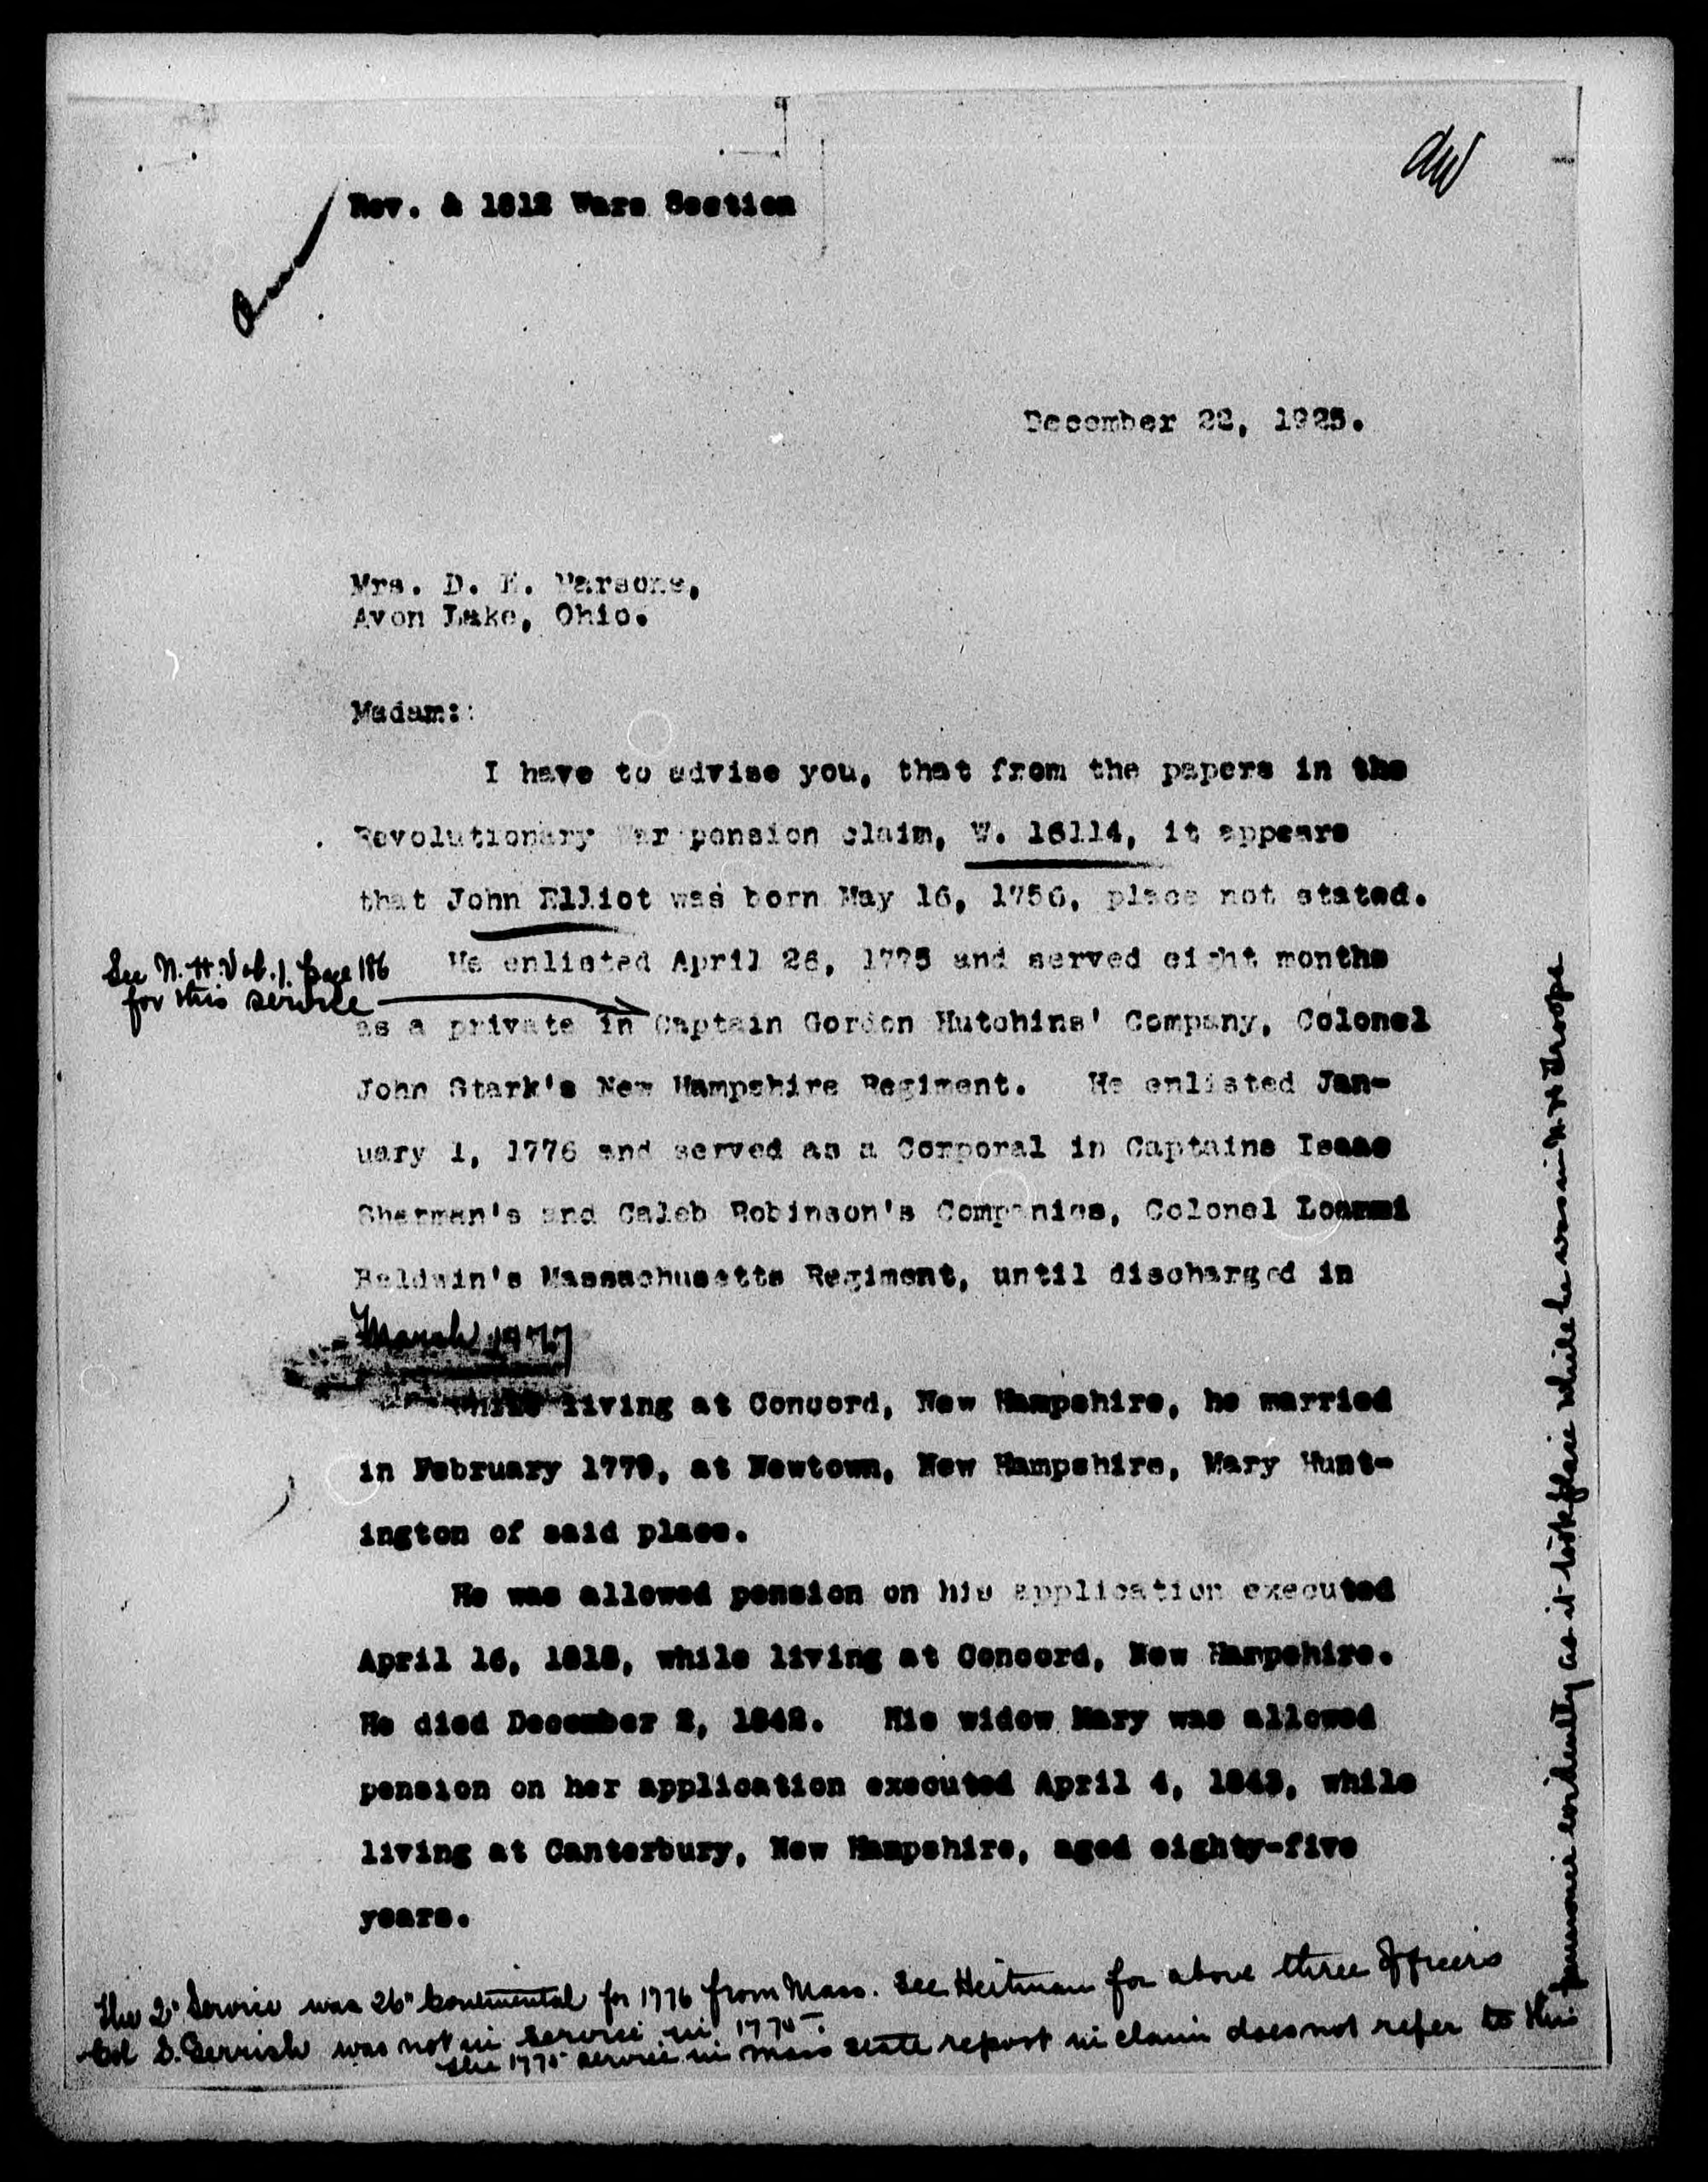Rev. & 1812 Wars Section
December 22, 1925.

Mrs. D. E. Parsons,
Avon Lake, Ohio.

Madam:
I have to advise you, that from the papers in the
Revolutionary War pension claim, W. 16114, it appears
that John Elliot was born May 16, 1756, place not stated.
He enlisted April 26, 1775 and served eight months
as a private in Captain Gordon Hutchins' Company, Colonel
John Stark's New Hampshire Regiment. See N.H. Vol. 1 page 186 for this service. He enlisted January 1, 1776 and served as a Corporal in Captains Isaac Sherman's and Caleb Robinson's Companies, Colonel Loammi Baldwin's Massachusetts Regiment, until discharged in
March 1777
While living at Concord, New Hampshire, he married
in February 1779, at Newtown, New Hampshire, Mary Huntington of said place.
He was allowed pension on his application executed
April 16, 1818, while living at Concord, New Hampshire.
He died December 2, 1842. His widow Mary was allowed
pension on her application executed April 4, 1843, while
living at Canterbury, New Hampshire, aged eighty-five
years.
The 2d service was 26th Continental for 1776 from Mass. See Heitman for above three officers Col. S. Gerrish was not in service in 1775. The 1775 service in Mass state report in claim does not refer to this [service?] evidently as it took place while he was in N. H. troops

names: Mary Huntington, Mary, D E Parsons, John Elliot, S Gerrish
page: 17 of 57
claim: widow's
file: W. 16,114, John Elliot, Continental (Mass) N.H.